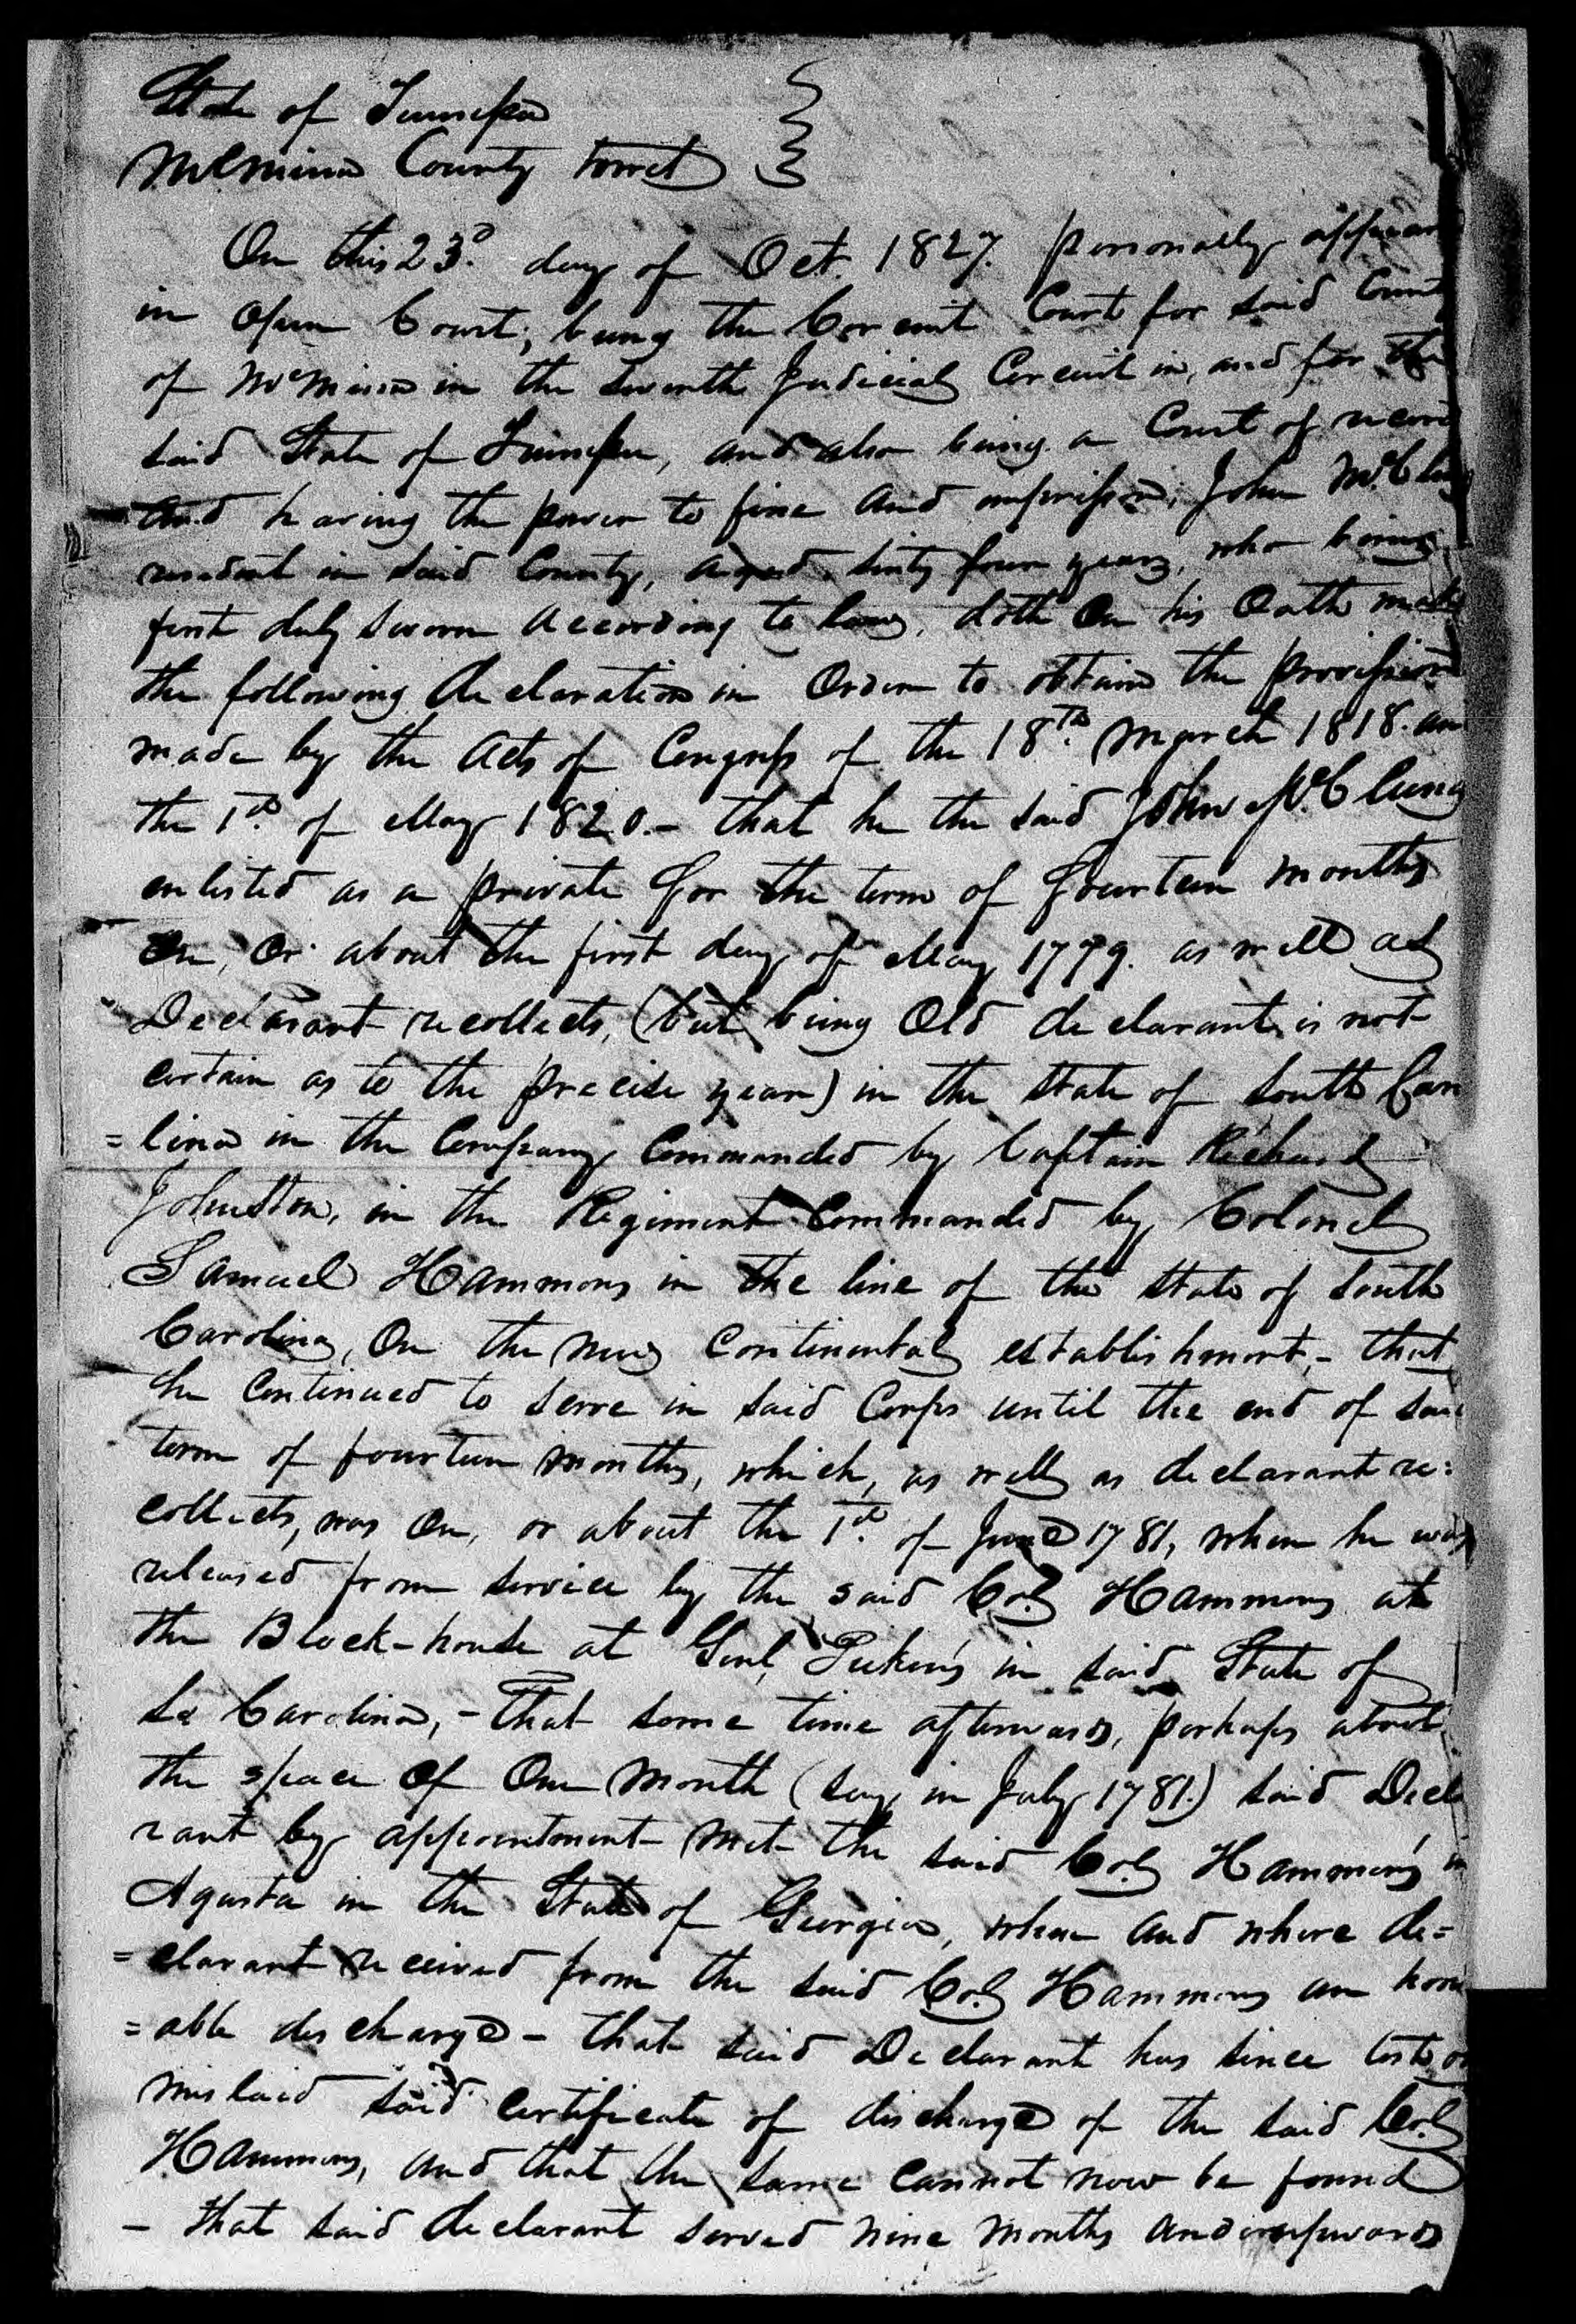State of Tennessee }
McMinn County [illegible] }

On this 23d. day of Octr. 1827, personally appeared 
in Open Court, being the Circuit Court for said County 
of McMinn in the Seventh Judicial Circuit in, and for the 
said State of Tennessee, and also being a Court of record 
and having the power to fine and imprison, John McClung 
resident in said County, aged sixty four years, who being 
first duly sworn according to law, doth on his oath make 
the following Declaration in order to obtain the provisions  
made by the acts of Congress of the 18th. March 1818 and 
the 1st. of May 1820. That he the said John McClung 
enlisted as a private for the term of fourteen months 
on or about the first day of May 1779, as well as 
Declarant recollects (but being old declarant is not 
certain as to the precise year) in the State of South Caro
lina in the company commanded by Captain Richard 
Johnston, in the regiment commanded by Colonel 
Samuel Hammons in the line of the State of South 
Carolina on the new Continental establishment-that 
he continued to serve in said corps until the end of said 
term of fourteen months, which, as well as declarant re
collects, was on, or about the 1st. of June 1781, when he was 
released from service by the said Col. Hammons at 
the Block house at Genl. Pickens in said State of 
So. Carolina-that some time afterwards, perhaps about 
the space of one month (say in July 1781) said Decla
rant by appointment, met the said Col. Hammons in 
Augusta in the State of Georgia, when and where de
clarant received from the said Col. Hammons an honor
able discharge-that said Declarant has since lost or 
mislaid said certificate of discharge of the said Col. 
Hammons, and that the same cannot now be found
that said declarant served nine months and [illegible[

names: John Mc Clung; Richard Johnston; Samuel Hammons; [BLANK] Pickens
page: 21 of 115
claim: widow's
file: W. 1446, for John Mc Clung, South Carolina